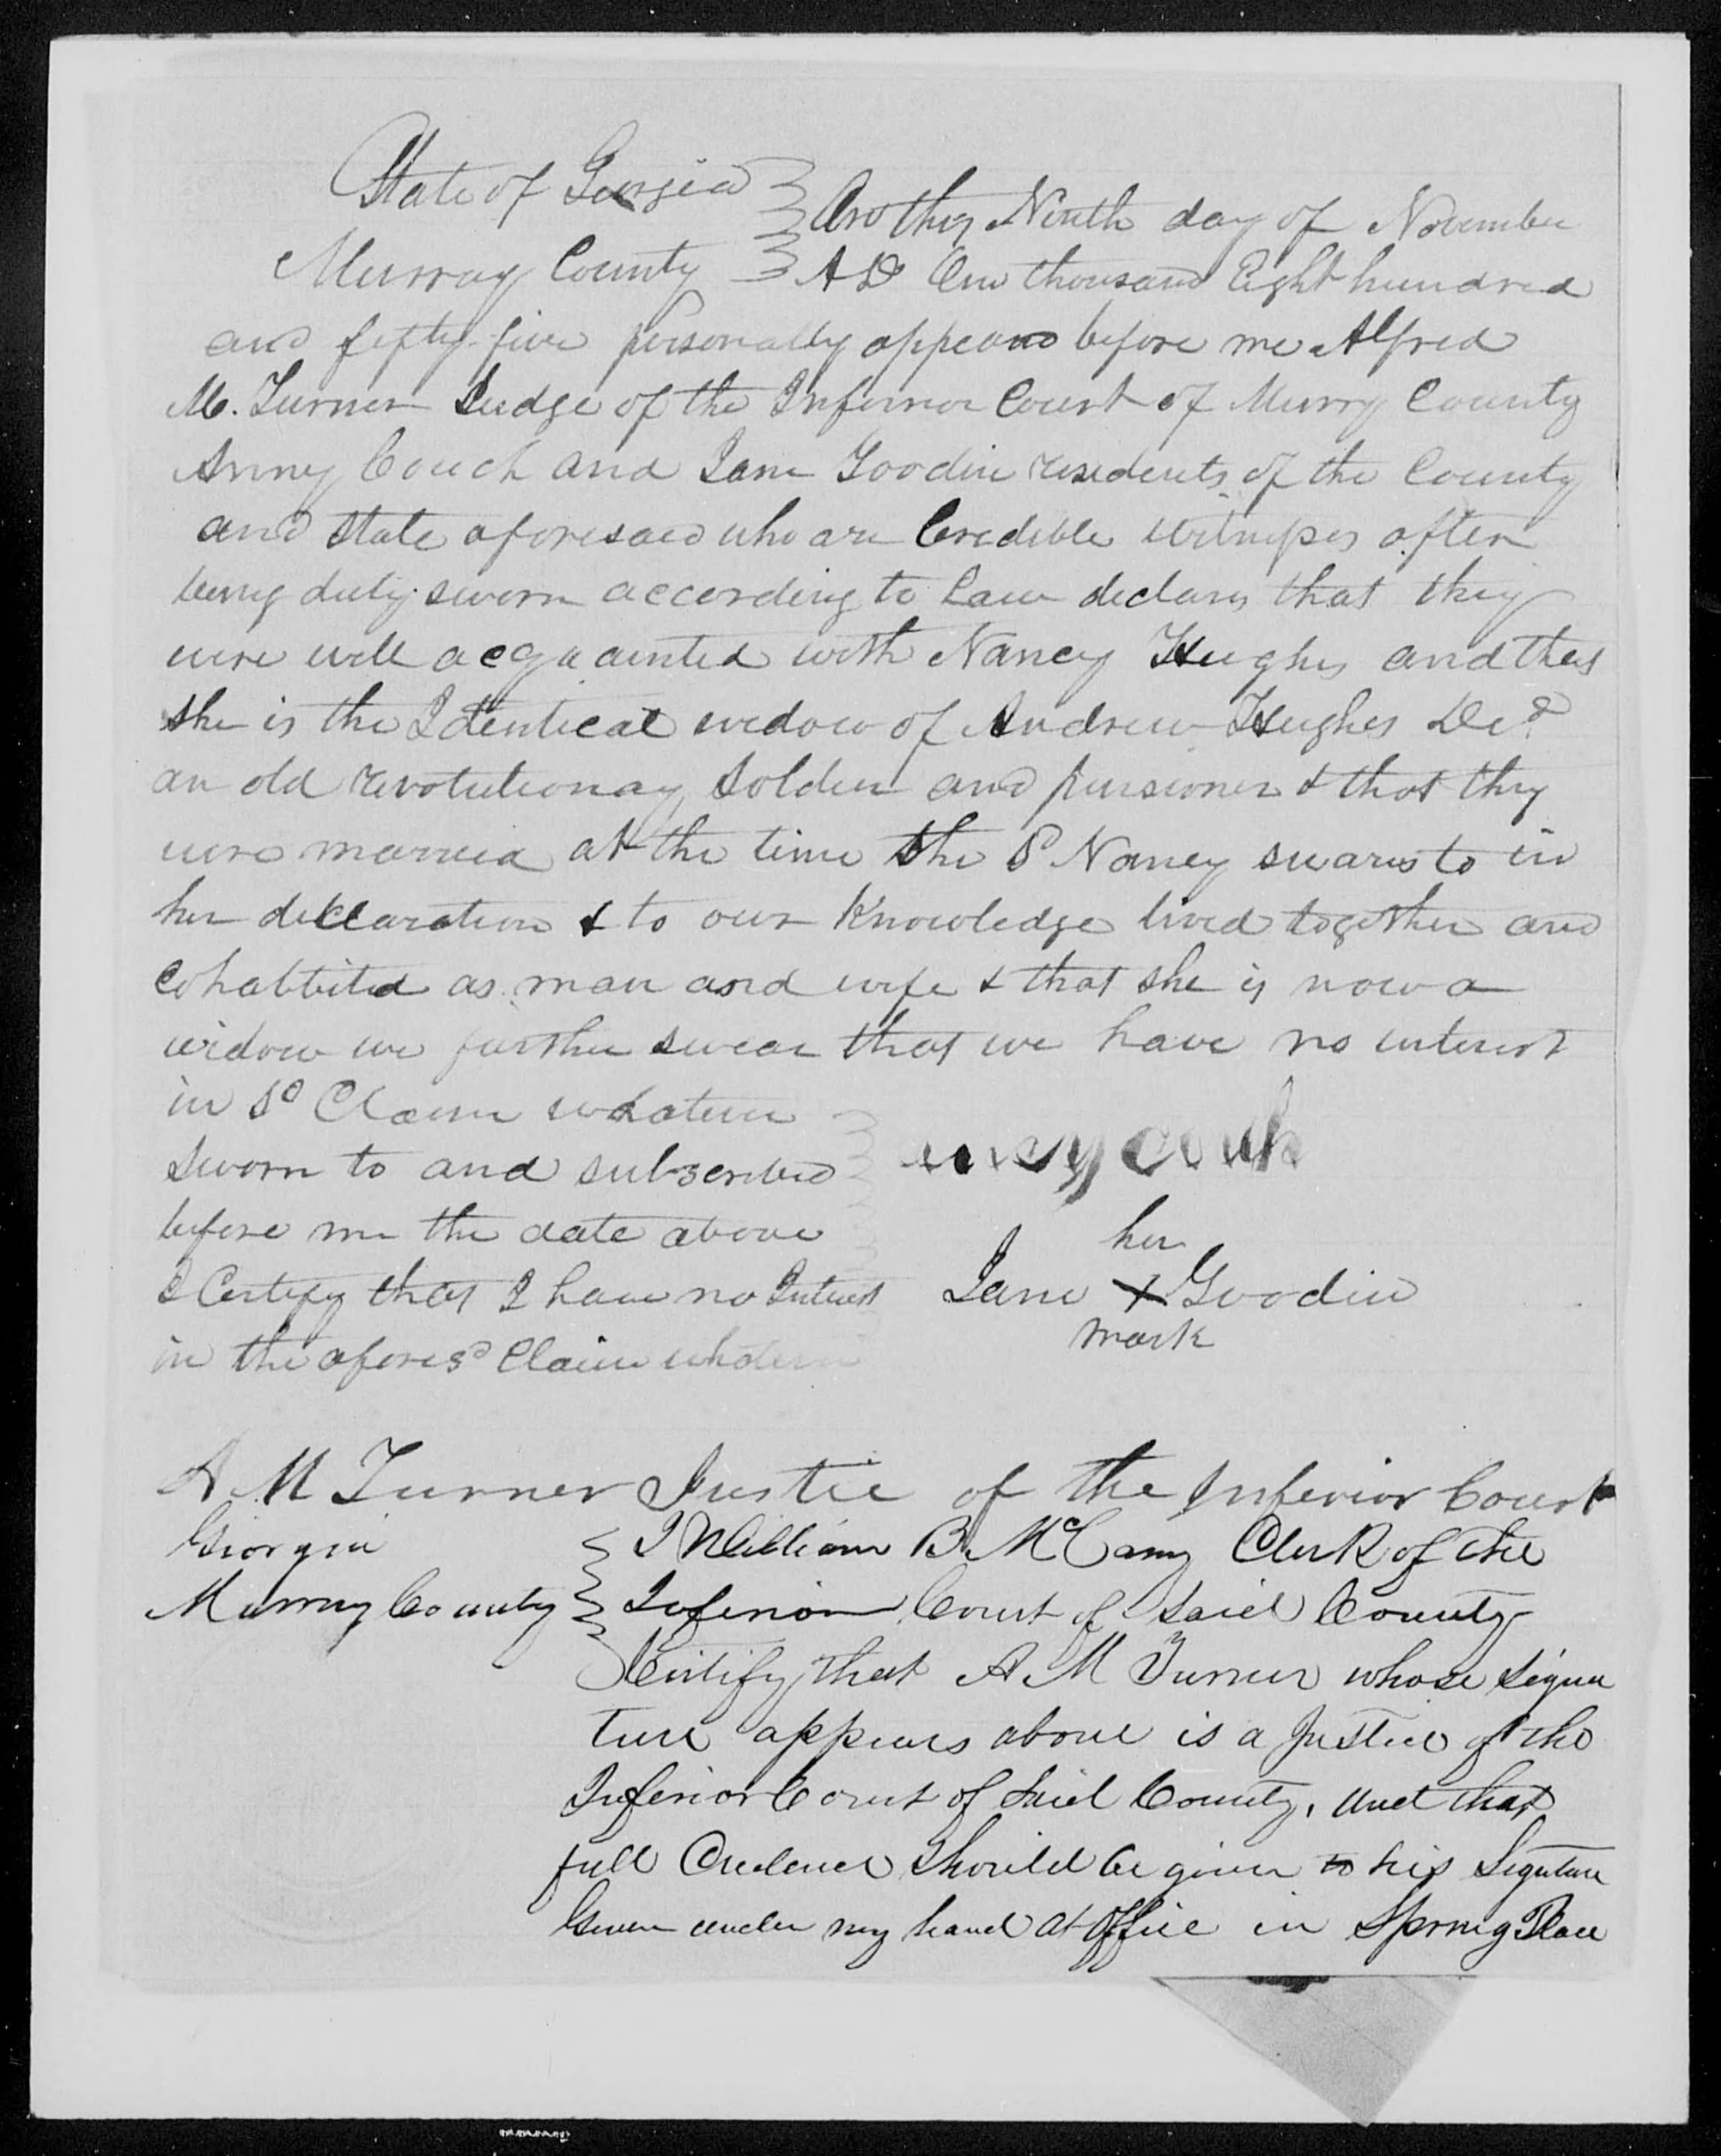State of Georgia⎬Murray County ⎬ On this Ninth day of November  A D One thousand Eight hundred and fifty five personally appeared before me Alfred M. Turner Judge of the Inferior Court of Murry County Anny Couch and Jane Goodin residents of the County and State aforesaid who are credible witnesses after being duly sworn according to law declares that they were well acquainted with Nancy Hughes and they she is the Identical widow of Andrew Hughes Decd an old Revolutionary soldier and pensioner & that they were married at the time the S Nancy swares to in her declaration & to our knowledge lived together and cohabited as man and wife & that she is now a widow we further swear that we have no interest in sd Claim whatever Sworn to and subscribed before me the date above I certify that I have no interest her the aforesd Claim whatever } Nancy Couch Jane X Goodin [her mark] A M Turner Justice of the Inferior Court Georgia Murray County} I William B McCamy Clerk of the Inferior Court of said County Certify that A M Turner whose signa ture appears above is a Justice of the Inferior Court of said County, and that full credence should be given to his Signature Given under my hand at Office in Spring Place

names: Anny Couch, Alfred M Turner, William B Mc Cany, Jane Goodin, Nancy Hughes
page: 11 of 75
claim: widow's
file: W. 25805, Andrew Hughes, N.C.